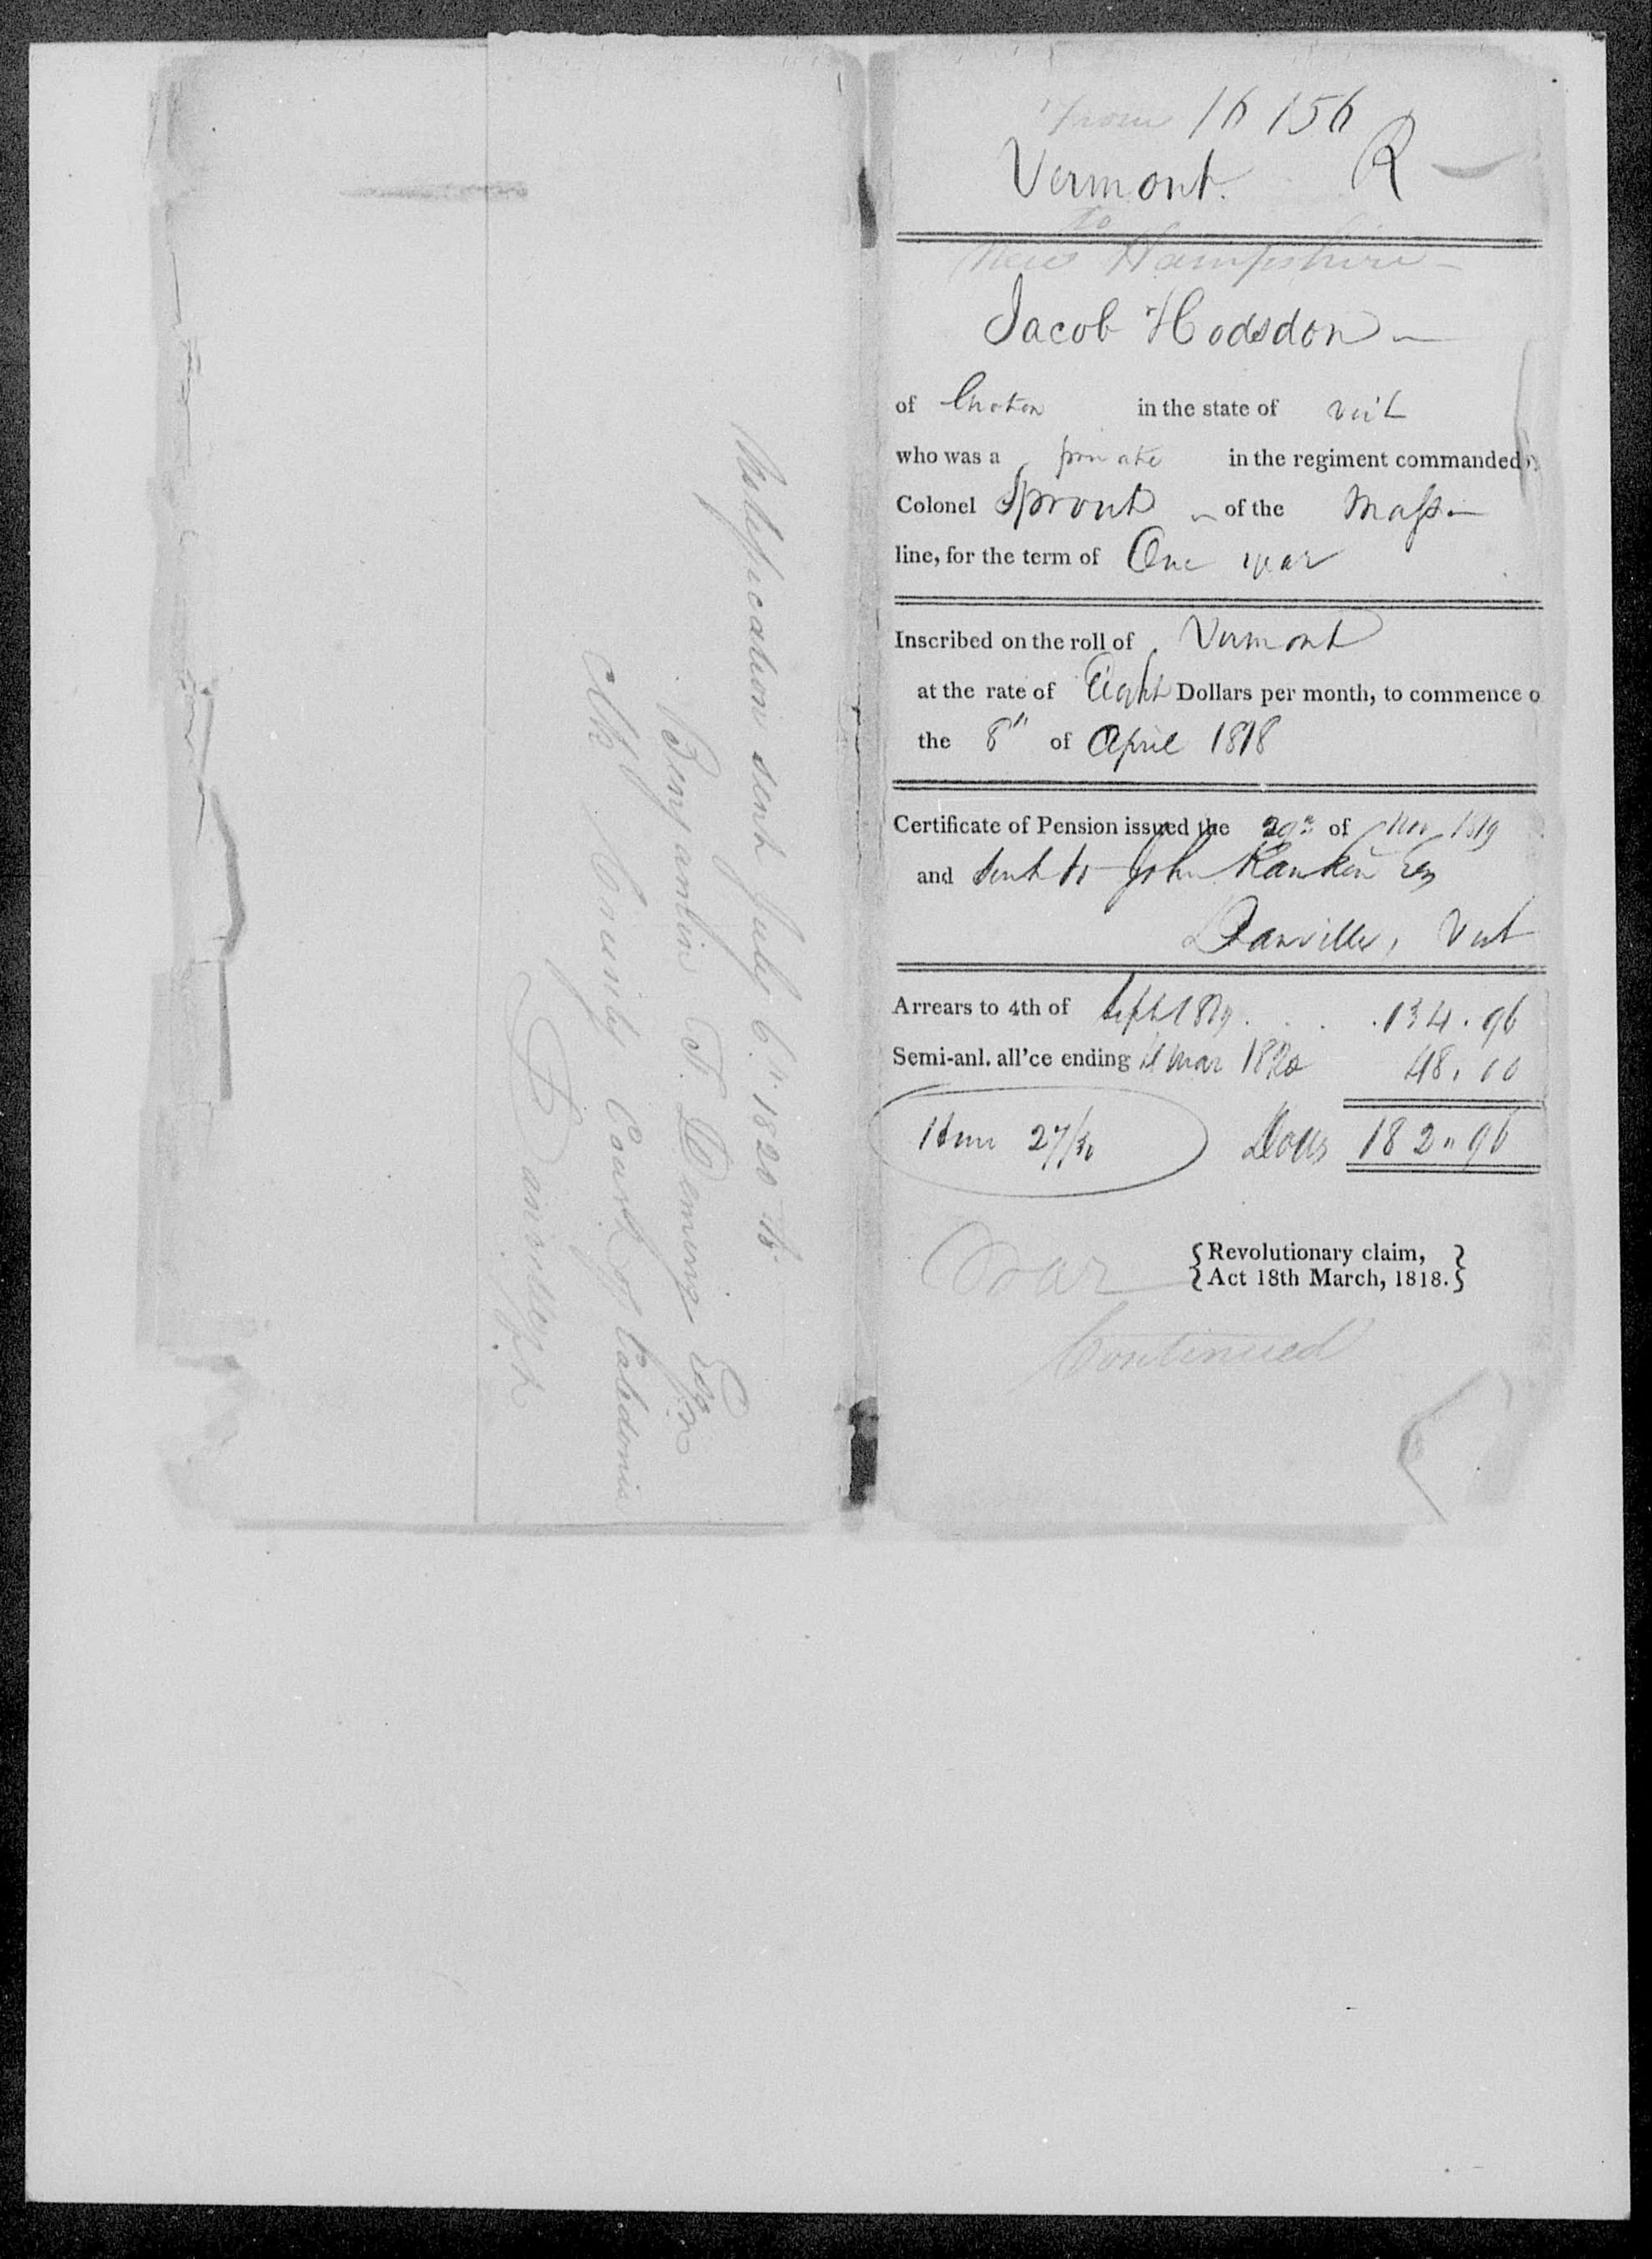From 16156
Vermont R.
To New Hampshire
Jacob Hodsdon of ____ in the state of ___ 
who was a private in the regiment commanded by Colonel Sprout of the Mass line for the term of One year.
Inscribed on the roll of Vermont
at the rate of Eight Dollars per month, to commence on
the 8th of April 1818.
Certificate of Pension issued the 29th of ___1819 and sent to John _____ by Danville, Vermont
Appears to 4th of September 1819....134.96
Semi-anl. all'ce ending 4 Mar. 1820...48.00
___27/__  Dolls [Dollars] 182.96
Revolution claim, 
Act 18th March, 1818.
Continued

[on right side]
_______ _____ July 6, 1820 __.
Benjamin F. Deming
The _____ County of Caledonia.
_______.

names: Sprout, Jacob Hodsdon, John Rankin, Benjamin F Deming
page: 2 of 22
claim: survivor's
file: S 44445, Jacob Hodsdon, Mass.